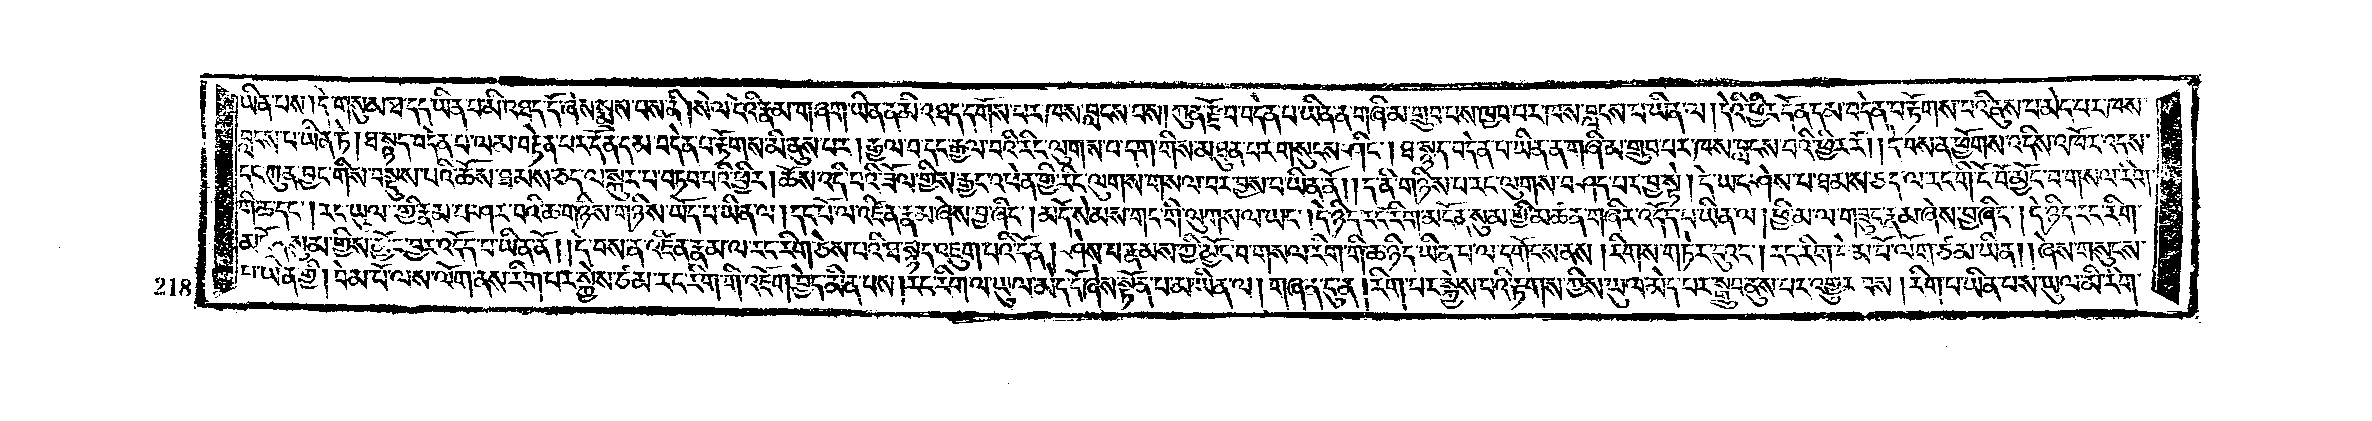ཡིན་པས། དེ་གསུམ་ཐ་དད་ཡིན་པ་མི་འཐད་དོ་ཞེས་སྨྲས་པས་ནི། སེལ་ངོའི་རྣམ་གཞག་ཡིན་ན་མི་འཐད་དགོས་པར་ཁས་བླངས་པས། ཀུན་རྫོབ་བདེན་པ་ཡིན་ན་གཞི་མ་གྲུབ་པས་ཁྱབ་པར་ཁས་བླངས་པ་ཡིན་ལ། དེའི་ཕྱིར་དོན་དམ་བདེན་པ་རྟོགས་པའི་ནུས་པ་མེད་པར་ཁས་
བླངས་པ་ཡིན་ཏེ། ཐ་སྙད་བདེན་པ་ལ་མ་བརྟེན་པར་དོན་དམ་བདེན་པ་རྟོགས་མི་ནུས་པར། རྒྱལ་བ་དང་རྒྱལ་བའི་རིང་ལུགས་པ་དག་གིས་མཐུན་པར་གསུངས་ཤིང་། ཐ་སྙད་བདེན་པ་ཡིན་ན་གཞི་མ་གྲུབ་པར་ཁས་བླངས་པའི་ཕྱིར་རོ། །དེ་བས་ན་ཕྱོགས་འདིས་འཁོར་འདས་
དང་ཀུན་བྱང་གིས་བསྡུས་པའི་ཆོས་ཐམས་ཅད་ལ་སྐུར་པ་བཏབ་པའི་ཕྱིར། ཆོས་འདི་པའི་ཟོལ་གྱིས་རྒྱང་འཕེན་གྱི་རིང་ལུགས་གསལ་བར་བྱས་པ་ཡིན་ནོ། །ད་ནི་གཉིས་པ་རང་ལུགས་བཤད་པར་བྱ་སྟེ། དེ་ཡང་ཤེས་པ་ཐམས་ཅད་ལ་རང་གི་ངོ་བོ་མྱོང་བ་གསལ་རིག་
གི་ཆ་དང་། རང་ཡུལ་གྱི་རྣམ་པ་ཤར་བའི་ཆ་གཉིས་གཉིས་ཡོད་པ་ཡིན་ལ། དང་པོ་ལ་འཛིན་རྣམ་ཞེས་བྱ་ཞིང་། མདོ་སེམས་གང་གི་ལུགས་ལ་ཡང་། དེ་ཉིད་རང་རིག་མངོན་སུམ་གྱི་མཚན་གཞིར་འདོད་པ་ཡིན་ལ། ཕྱི་མ་ལ་གཟུང་རྣམ་ཞེས་བྱ་ཞིང་། དེ་ཉིད་རང་རིག་
མངོན་སུམ་གྱིས་མྱོང་བྱར་འདོད་པ་ཡིན་ནོ། །དེ་བས་ན་འཛིན་རྣམ་ལ་རང་རིག་ཅེས་པའི་ཐ་སྙད་འཇུག་པའི་དོན། ཤེས་པ་རྣམས་ཀྱི་མྱོང་བ་གསལ་རིག་གི་ཆ་ཉིད་ཡིན་པ་ལ་དགོངས་ནས། རིགས་གཏེར་དུའང་། རང་རིག་བེམ་པོ་ལོག་ཙམ་ཡིན། །ཞེས་གསུངས་
པ་ཡིན་གྱི། བེམ་པོ་ལས་ལོག་ནས་རིག་པར་སྐྱེས་ཙམ་རང་རིག་གི་འཇོག་བྱེད་མིན་པས། རང་རིག་ལ་ཡུལ་མེད་དོ་ཞེས་སྟོན་པ་མ་ཡིན་ལ། གཞན་དུ་ན། རིག་པར་སྐྱེས་པའི་རྟགས་ཀྱིས་ཡུལ་མེད་པར་སྒྲུབ་ནུས་པར་འགྱུར་བས། རིག་པ་ཡིན་པས་ཡུལ་མི་རིག་